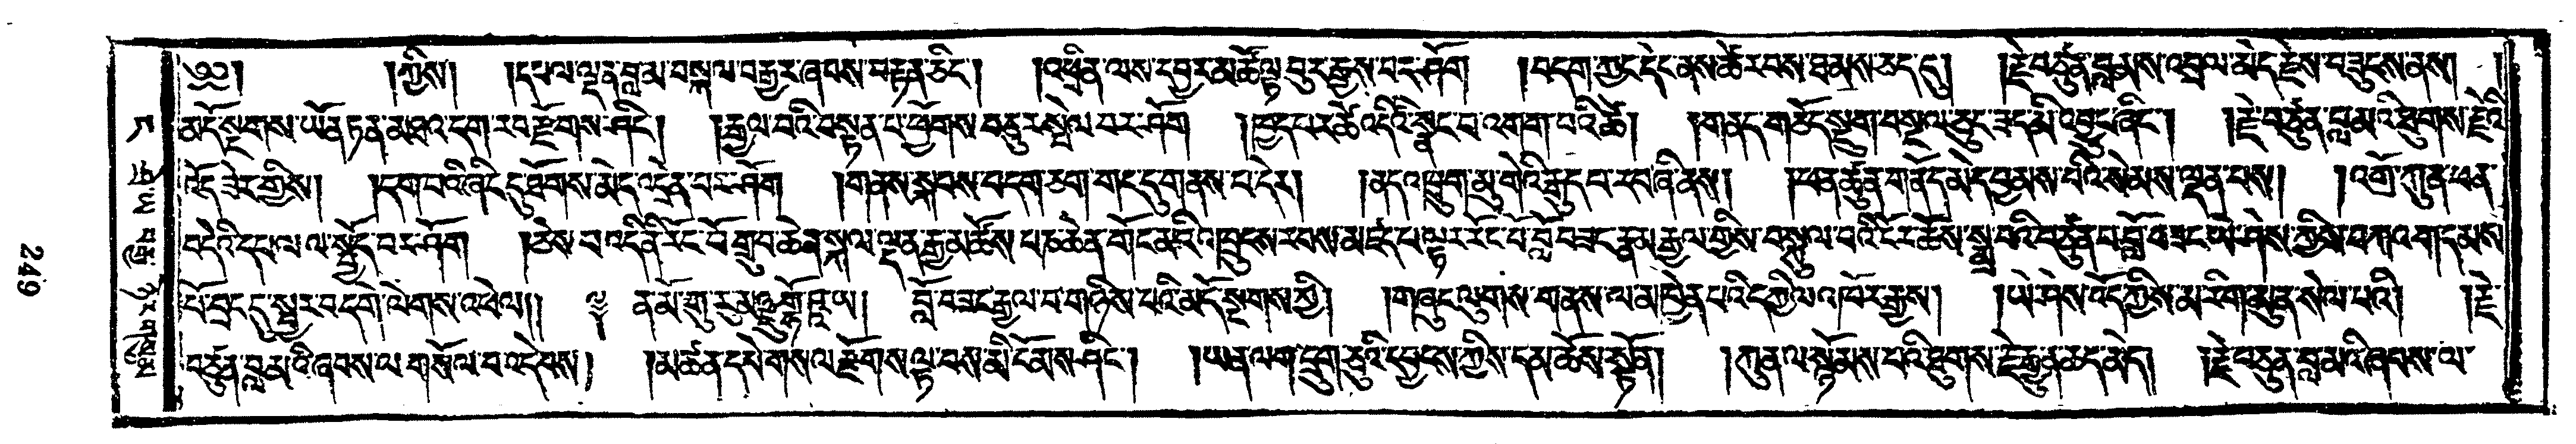༄༅། །ཀྱིས། །དཔལ་ལྡན་བླ་མ་བསྐལ་བརྒྱར་ཞབས་བརྟན་ཅིང་། །འཕྲིན་ལས་དབྱར་མཚོ་ལྟ་བུར་རྒྱས་བར་ཤོག །བདག་ཀྱང་དེང་ནས་ཚེ་རབས་ཐམས་ཅད་དུ། །རྗེ་བཙུན་བླ་མས་འབྲལ་མེད་རྗེས་བཟུངས་ནས། །
མདོ་སྔགས་ཡོན་ཏན་མཐའ་དག་རབ་རྫོགས་ཤིང་། །རྒྱལ་བའི་བསྟན་པ་ཕྱོགས་བཅུར་སྤེལ་བར་ཤོག །ཁྱད་པར་ཚེ་འདིའི་སྣང་བ་འགག་བའི་ཚེ། །གནད་གཅོད་སྡུག་བསྔལ་ཅུང་ཟད་མི་འབྱུང་ཞིང་། །རྗེ་བཙུན་བླ་མའི་ཐུགས་རྗེའི་
འོད་ཟེར་གྱིས། །དག་བའི་ཞིང་དུ་ཐོགས་མེད་འདྲེན་པར་ཤོག །གནས་སྐབས་བདག་ཅག་གང་དུ་གནས་པ་དེར། །ནད་འཁྲུག་མུ་གེའི་རྒུད་པ་རབ་ཞི་ནས། །ཕན་ཚུན་གནོད་མེད་བྱམས་པའི་སེམས་ལྡན་པས། །འགྲོ་ཀུན་ཕན་
བདེའི་དཔལ་ལ་སྦྱོད་བར་ཤོག །ཅེས་བ་འདི་ནི་རོང་བོ་གྲུབ་ཆེན་སྐལ་ལྡན་རྒྱ་མཚོས་པཎ་ཆེན་གོང་མའི་འཁྲུངས་རབས་མཛད་པ་ལྟར་རོང་པོ་བློ་བཟང་རྣམས་རྒྱལ་གྱིས་བསྐུལ་བའི་ངོར་ཆོས་སྨྲ་བའི་བཙུན་པ་བློ་བཟང་ཡེ་ཤེས་ཀྱིས་བཀའ་གདམས་
པོ་བྲང་དུ་སྦྱར་བ་དགེ་ལེགས་འཕེལ།། ༈ ན་མོ་གུ་རུ་མཉྫུ་གྷོ་ཥཱ་ཡ། བློ་བཟང་རྒྱལ་བ་གཉིས་པའི་མདོ་སྔགས་ཀྱི། །གཞུང་ལུགས་གནས་ལ་མཁྱེན་པའི་དཀྱིལ་འཁོར་རྒྱས། །ཡེ་ཤེས་འོད་ཀྱིས་མ་རིག་མུན་སེལ་པའི། །རྗེ་
བཙུན་བླ་མའི་ཞབས་ལ་གསོལ་བ་འདེབས། །མཚན་དཔེ་གསལ་རྫོགས་ལྟ་བས་མི་ངོམས་ཤིང་། །ཡན་ལག་དྲུག་ཅུའི་དབྱངས་ཀྱིས་དམ་ཆོས་སྟོན། །ཀུན་ལ་སྙོམས་པའི་ཐུགས་རྗེ་རྒྱུན་ཆད་མེད། །རྗེ་བཅུན་བླ་མའི་ཞབས་ལ་